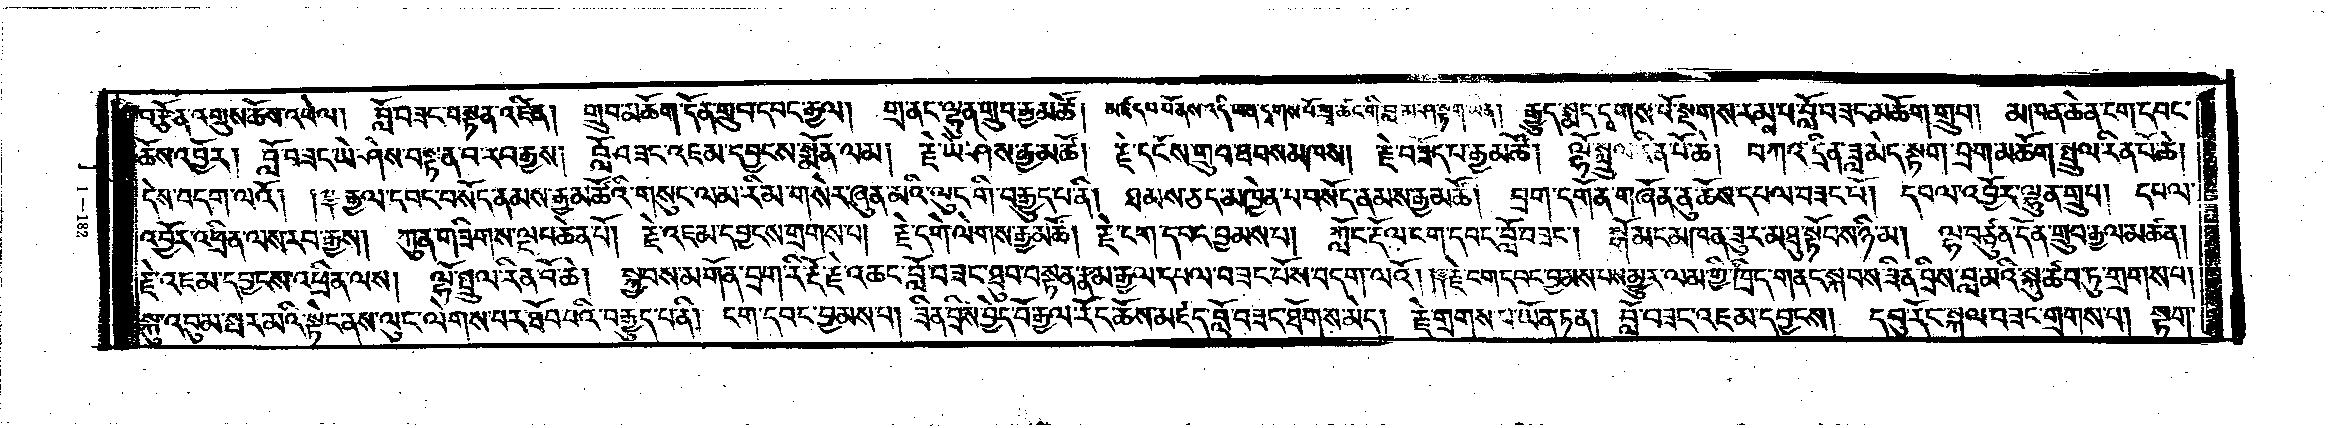བརྩོན་འགྲུས་ཆོས་འཕེལ། བློ་བཟང་བསྟན་འཛིན། གྲུབ་མཆོག་དོན་གྲུབ་དབང་རྒྱལ། གྲ་ནང་ལྷུན་གྲུབ་རྒྱ་མཚོ། མཛད་པ་པོ་ནས་འདི་ཡན་དྭགས་པོ་གྲྭ་ཚང་གི་བླ་མ་ཤ་སྟག་ཡིན། རྒྱུད་སྨད་དྭགས་པོ་སྔགས་རྣམས་པ་བློ་བཟང་མཆོག་གྲུབ། མཁན་ཆེན་ངག་དབང་
ཆོས་འབྱོར། བློ་བཟང་ཡེ་ཤེས་བསྟན་པ་རབ་རྒྱས། བློ་བཟང་འཇམ་དབྱངས་སྨོན་ལམ། རྗེ་ཡེ་ཤེས་རྒྱ་མཚོ། རྗེ་དངོས་གྲུབ་ཐབས་མཁས། རྗེ་བཟོད་པ་རྒྱ་མཚོ། ལྷོ་སྤྲུལ་རིན་པོ་ཆེ། བཀའ་དྲིན་ཟླ་མེད་སྟག་བྲག་མཆོག་སྤྲུལ་རིན་པོ་ཆེ།
དེས་བདག་ལའོ། ། ༈ རྒྱལ་དབང་བསོད་ནམས་རྒྱ་མཚོའི་གསུང་ལམ་རིམ་གསེར་ཞུན་མའི་ལུང་གི་བརྒྱུད་པ་ནི། ཐམས་ཅད་མཁྱེན་པ་བསོད་ནམས་རྒྱ་མཚོ། བྲག་དགོན་གཞོན་ནུ་ཆོས་དཔལ་བཟང་པོ། དཔལ་འབྱོར་ལྷུན་གྲུབ། དཔལ་
འབྱོར་འཕྲིན་ལས་རབ་རྒྱས། ཀུན་གཟིགས་ལྔ་པ་ཆེན་པོ། རྗེ་འཇམ་དབྱངས་གྲགས་པ། རྗེ་དགེ་ལེགས་རྒྱ་མཚོ། རྗེ་ངག་དབང་བྱམས་པ། ཀློང་རྡོལ་ངག་དབང་བློ་བཟང་། སྒོ་མང་མཁན་ཟུར་མཐུ་སྟོབས་ཉི་མ། ལྷ་བཙུན་དོན་གྲུབ་རྒྱལ་མཚན།
རྗེ་འཇམ་དབྱངས་འཕྲིན་ལས། ལྷོ་སྤྲུལ་རིན་པོ་ཆེ། སྐྱབས་མགོན་བྲག་རི་རྡོ་རྗེ་འཆང་བློ་བཟང་ཐུབ་བསྟན་རྣམ་རྒྱལ་དཔལ་བཟང་པོས་བདག་ལའོ། ། ༈ རྗེ་ངག་དབང་བྱམས་པས་མྱུར་ལམ་གྱི་ཁྲིད་གནང་སྐབས་ཟིན་བྲིས་བླ་བའི་སྐུ་ཚབ་ཏུ་གྲགས་པ།
སྐུ་འབུམ་སྤར་མའི་སྟེང་ནས་ལུང་ལེགས་པར་ཐོབ་པའི་བརྒྱུད་པ་ནི། ངག་དབང་བྱམས་པ། ཟིན་བྲིས་བྱེད་པོ་རྒྱལ་རོང་ཆོས་མཛད་བློ་བཟང་ཐོགས་མེད། རྗེ་གྲགས་པ་ཡོན་ཏན། བློ་བཟང་འཇམ་དབྱངས། དབུ་རོང་སྐལ་བཟང་གྲགས་པ། སྟག་